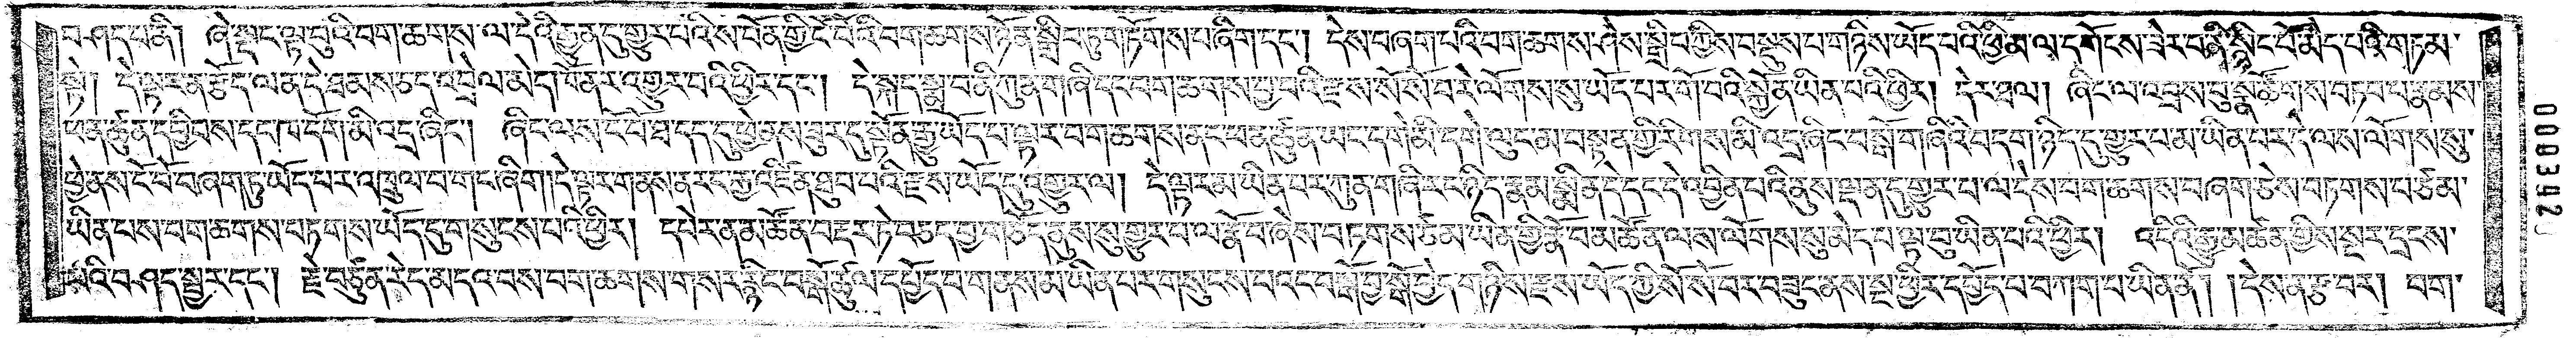བཤད་པ་ནི། ཞེས་སྡང་ལྟ་བུའི་བག་ཆགས་ལ་དེའི་རྒྱུན་དུ་གྱུར་པའི་ས་བོན་གྱི་ངོ་བོའི་བག་ཆགས་ཉོན་སྒྲིབ་ཏུ་གཏོགས་པ་ཞིག་དང་། དེས་བཞག་པའི་བག་ཆགས་ཤེས་སྒྲིབ་ཀྱིས་བསྡུས་པ་གཉིས་ཡོད་པའི་ཕྱི་མ་ལ་དགོངས་ཟེར་བ་ནི་སྙིང་པོ་མེད་པའི་གཏམ་
སྟེ། དེ་ལྟར་ན་རྩོད་ལན་དེ་ཐམས་ཅད་འབྲེལ་མེད་ཁོ་ནར་འགྱུར་བའི་ཕྱིར་དང་། དེ་སྐད་སྨྲ་བ་ནི་ཀུན་གཞི་དང་བག་ཆགས་བྱ་བའི་རྫས་སོ་སོ་བ་རེ་ལོགས་སུ་ཡོད་པར་གོ་བའི་སྐྱོན་ཡིན་པའི་ཕྱིར། དེར་ཐལ། ཞིང་ལ་འབྲས་བུ་སྣ་ཚོགས་བཏབ་པ་རྣམས་
ཕན་ཚུན་དབྱིབས་དང་ཁ་དོག་མི་འདྲ་ཞིང་། ཞིང་ལས་ངོ་བོ་ཐ་དད་དུ་ཕྱེ་ནས་ཟུར་དུ་སྟོན་རྒྱུ་ཡོད་པ་ལྟར་བག་ཆགས་ནང་ཕན་ཚུན་ཡང་དགེ་མི་དགེ་ལུང་མ་བསྟན་གྱི་རིགས་མི་འདྲ་ཞིང་བསྒོ་གཞིའི་བདག་ཉིད་དུ་གྱུར་པ་མ་ཡིན་པར་དེ་ལས་ལོགས་སུ་
ཕྱེ་ནས་ངོ་བོ་གཞག་ཏུ་ཡོད་པར་འཁྲུལ་བ་གང་ཞིག། དེ་ལྟར་གནས་ན་རང་རྒྱ་འཛིན་ཐུབ་པའི་རྫས་ཡོད་དུ་འགྱུར་ལ། དེ་ལྟར་མ་ཡིན་པར་ཀུན་གཞི་རང་ཉིད་རྣམ་སྨིན་དེ་དང་དེ་འབྱིན་པའི་ལུས་ལྡན་དུ་གྱུར་པ་ལ་དེས་བག་ཆགས་ས་བཞག་ཅེས་བཏགས་པ་ཙམ་
ཡིན་པས་བག་ཆགས་བཏགས་ཡོད་དུ་གསུངས་པའི་ཕྱིར། དཔེར་ན་མཚོན་བརྡར་ཏེ་བཅད་བྱ་གཅོད་ནུས་སུ་གྱུར་པ་ལ་རྣོ་བ་ཞེས་བཏགས་ཙམ་ཡིན་གྱི་རྣོ་བ་མཚོན་ལས་ལོགས་སུ་མེད་པ་ལྟ་བུ་ཡིན་པའི་ཕྱིར། འདིའི་རྒྱུ་མཚན་གྱིས་སྔར་དྲངས་
པའི་བཤད་སྦྱར་དང་། རྗེ་བཙུན་རེད་མདའ་བས་བག་ཆགས་གསར་རྙིང་བསྒོ་ཚུལ་དཔྱོད་པ་གནས་མ་ཡིན་པར་གསུངས་པའང་བསྒོ་བྱ་སྒོ་བྱེད་གཉིས་རྫས་ཡོད་ཀྱི་སོ་སོ་བར་གཟུང་ནས་སྔ་ཕྱིར་དཔྱོད་པ་བཀག་པ་ཡིན་ནོ། །དེས་ན་རྩ་བར། བག་